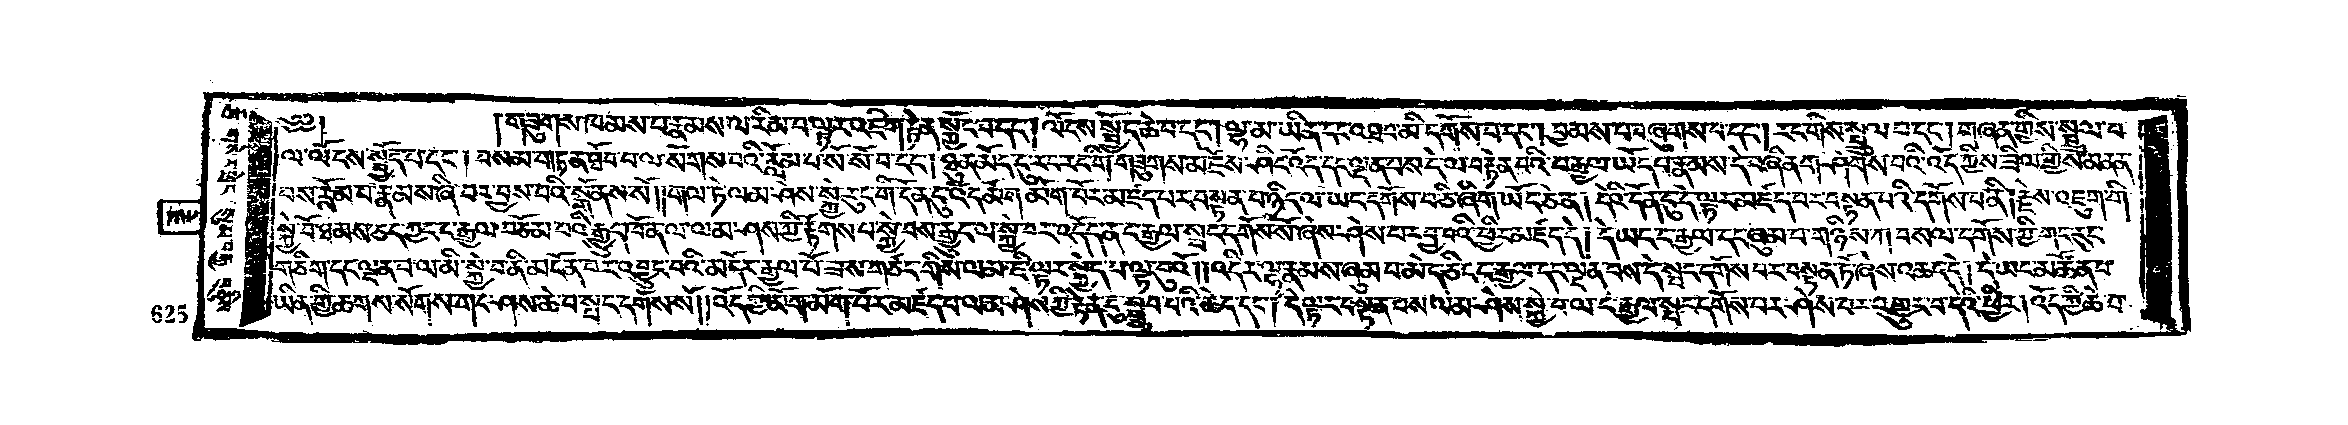༄༅། །གཟུགས་ཁམས་པ་རྣམས་ལ་རིམ་པ་ལྟར་འཇིག་རྟེན་སྐྱོང་བ་དང་། ལོངས་སྤྱོད་ཆེ་བ་དང་། ལྷ་མ་ཡིན་དང་འཐབ་མི་དགོས་པ་དང་། བྱམས་པ་བཞུགས་པ་དང་། རང་གིས་སྤྲུལ་བ་དང་། གཞན་གྱིས་སྤྲུལ་བ་
ལ་ལོངས་སྤྱོད་པ་དང་། བསམ་གཏན་ཐོབ་པ་ལ་སོགས་པའི་རློམ་པ་སོ་སོ་བ་དང་། ཐུན་མོང་དུ་རང་རང་གི་གཟུགས་མཛེས་ཤིང་འོད་དང་ལྡན་པས་དེ་ལ་བརྟེན་པའི་ང་རྒྱལ་ཡོད་པ་རྣམས་དེ་བཞིན་གཤེགས་པའི་འོད་ཀྱིས་ཟིལ་གྱིས་མནན་
པས་རློམ་པ་རྣམས་ཞི་བར་བྱས་པའི་སྒོ་ནས་སོ། །གལ་ཏེ་ལམ་ཤེས་སྐྱེ་རུང་གི་དོན་དུ་འོད་མོག་མོག་པོར་མཛད་པར་བསྟན་པ་ཉིད་ལ་ཡང་དགོས་པ་ཅི་ཞིག་ཡོད་ཅེ་ན། དེའི་དོན་དུ་དེ་ལྟར་མཛད་པར་བསྟན་པའི་དགོས་པ་ནི། རྗེས་འཇུག་གི་
སྐྱེ་བོ་ཐམས་ཅད་ཀྱང་ང་རྒྱལ་བཅོམ་པའི་རྒྱུད་ཁོ་ན་ལ་ལམ་ཤེས་ཀྱི་རྟོགས་པ་སྐྱེ་བས་རྒྱུད་ལ་སྐྱེ་བར་འདོད་ན་ང་རྒྱལ་སྤང་དགོས་སོ་ཞེས་ཤེས་པར་བྱ་བའི་ཕྱིར་མཛད་དེ། དེ་ཡང་ང་རྒྱལ་དང་ཞུམ་པ་གཉིས་ཀ་བསལ་དགོས་ཀྱི་གང་རུང་
གཅིག་དང་ལྡན་པ་ལ་མི་སྐྱེ་བ་ནི་མངོན་པར་འབྱུང་བའི་མདོར་རྒྱལ་པོ་ཟས་གཙང་གིས་ལམ་ཇི་ལྟར་སྐྱེད་པ་ལྟ་བུའོ། །འདིར་ལྷ་རྣམས་ཞུམ་པ་མེད་ཅིང་ང་རྒྱལ་དང་ལྡན་པས་དེ་སྤང་དགོས་པར་བསྟན་ཏོ་ཞེས་འཆད་དེ། དེ་ཡང་མཚོན་པ་
ཡིན་གྱི་ཆགས་སོགས་གང་ཤས་ཆེ་བ་སྤང་དགོས་སོ། །འོད་ཀྱི་མོག་མོག་པོར་མཛད་པ་ལམ་ཤེས་ཀྱི་རྟེན་དུ་སྒྲུབ་པའི་ཆེད་དང་། དེ་ལྟར་བསྟན་པས་ལམ་ཤེས་སྐྱེ་བ་ལ་ང་རྒྱལ་སྡང་དགོས་པར་ཤེས་པར་འགྱུར་བ་དེའི་ཕྱིར། འོད་ཀྱི་ཆེ་བ་